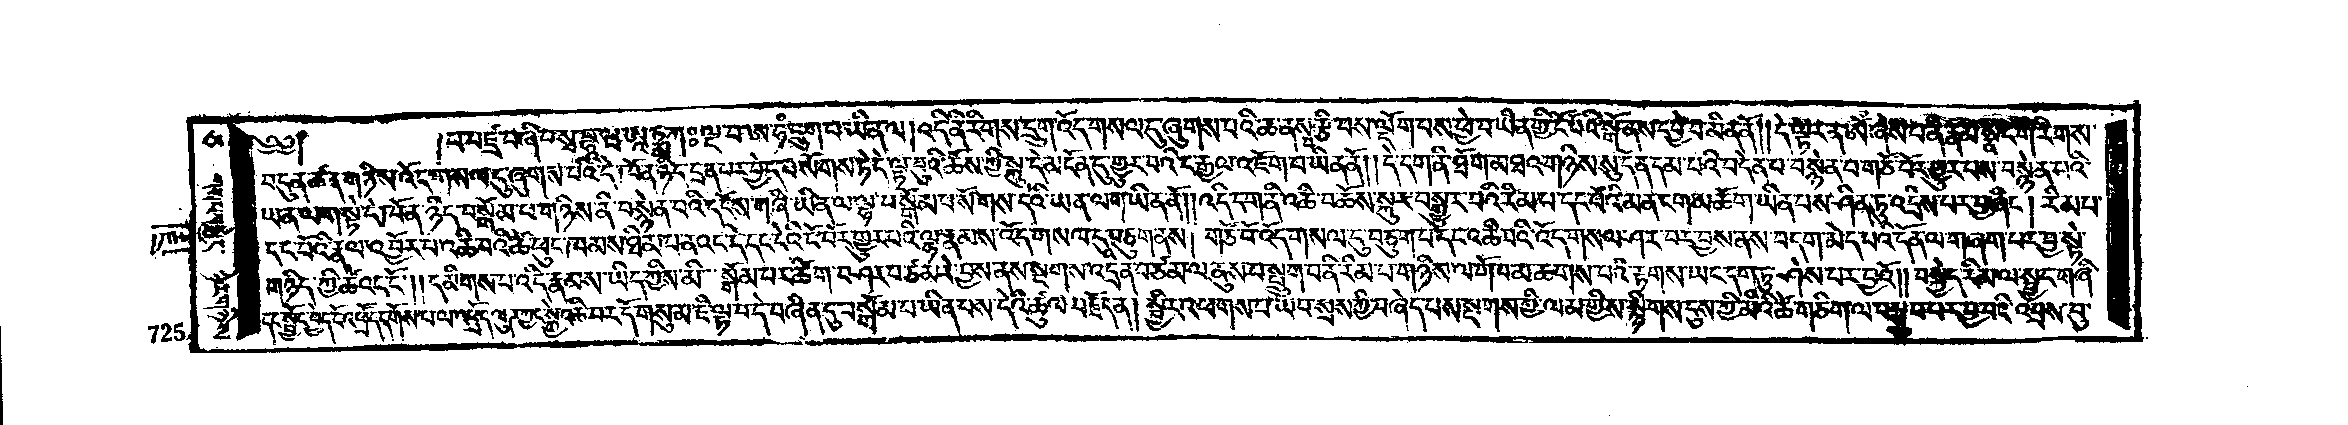༄༅། །པ་བཛྲ་བཞི་པ་སྭ་བྷཱ་ཝ་ཨཱཏྨཀཿ ལྔ་པ་ཨ་ཧཾ་དྲུག་པ་ཡིན་ལ། འདི་ནི་རིགས་དྲུག་འོད་གསལ་དུ་ཞུགས་པའི་ཆ་ནས་བརྩིབས་ལྡོག་པས་ཕྱེ་བ་ཡིན་གྱི་ངོ་བོའི་སྒོ་ནས་དབྱེ་བ་མིན་ནོ། །དེ་ལྟར་ན་ཨོཾ་ཞེས་པ་ནི་རྣམ་སྣང་གི་རིགས་
བདུན་ཚན་གཉིས་འོད་གསལ་དུ་ཞུགས་པའི་དེ་ཁོ་ན་ཉིད་དྲན་པར་བྱེད་པ་སོགས་ཏེ་དེ་ལྟ་བུའི་ཆོས་ཀྱི་སྐུ་དེ་མངོན་དུ་གྱུར་བའི་ང་རྒྱལ་འཇོག་པ་ཡིན་ནོ། །དེ་དག་ནི་ཐོག་མཐའ་གཉིས་སུ་དོན་དམ་པའི་བདེན་པ་བསྙེན་པ་གཙོ་བོར་གྱུར་པས་བསྙེན་པའི་
ཡན་ལག་སྟེ་དེ་ཁོ་ན་ཉིད་བསྒོམ་པ་གཉིས་ནི་བསྙེན་པའི་དངོས་གཞི་ཡིན་ལ་ལྷ་བསྒོམ་པ་སོགས་དེའི་ཡན་ལག་ཡིན་ནོ། །འདི་དག་ནི་འཆི་བ་ཆོས་སྐུར་བསྒྱུར་བའི་རིམ་པ་དང་པོའི་མན་ངག་མཆོག་ཡིན་པས་ཤིན་ཏུ་འདྲིས་པར་བྱ་ཞིང་། རིམ་པ་
དང་པོའི་རྣལ་འབྱོར་པ་འཆི་བའི་ཚེ་ཕུང་ཁམས་ཐིམ་པ་ནའང་དེ་དང་དེའི་ངོ་བོར་གྱུར་པའི་ལྷ་རྣམས་འོད་གསལ་དུ་བཅུག་ནས། གཙོ་བོ་འོད་གསལ་དུ་བཅུག་པ་དང་འཆི་བའི་འོད་གསལ་ཤར་བར་བྱས་ནས་བདག་མེད་པའི་དོན་ལ་གཞག་པར་བྱ་སྟེ་
གཉིད་ཀྱི་ཚེའང་ངོ། །དམིགས་པ་འདི་རྣམས་ཡིད་ཀྱིས་མི་སྒོམ་པར་ཚིག་བཤར་བ་ཙམ་རེ་བྱས་ནས་སྔགས་འདྲེན་པ་ཙམ་ལ་ནུས་པ་སྤྲུག་པ་ནི་རིམ་པ་གཉིས་ལ་གོ་བ་མ་ཆགས་པའི་རྟགས་ཡང་དག་ཏུ་ཤེས་པར་བྱའོ། །བསྐྱེད་རིམ་ལ་སྦྱང་གཞི་
དང་སྦྱོང་བྱེད་ངོ་?་འཕྲོད་དགོས་པ་ལ་འཕྲོད་ལུགས་ཀྱང་སྐྱེ་འཆི་བར་དོ་གསུམ་ཇི་ལྟ་བ་དེ་བཞིན་དུ་བསྒོམ་པ་ཡིན་པས་དེའི་ཚུལ་བརྗོད་ན། སྦྱིར་འཕགས་པ་ཡབ་སྲས་ཀྱི་བཞེད་པས་སྔགས་ཀྱི་ལམ་གྱིས་སྙིགས་དུས་ཀྱི་མིའི་ཚེ་གཅིག་ལ་བསྒྲུབ་པར་བྱ་བའི་འབྲས་བུ་